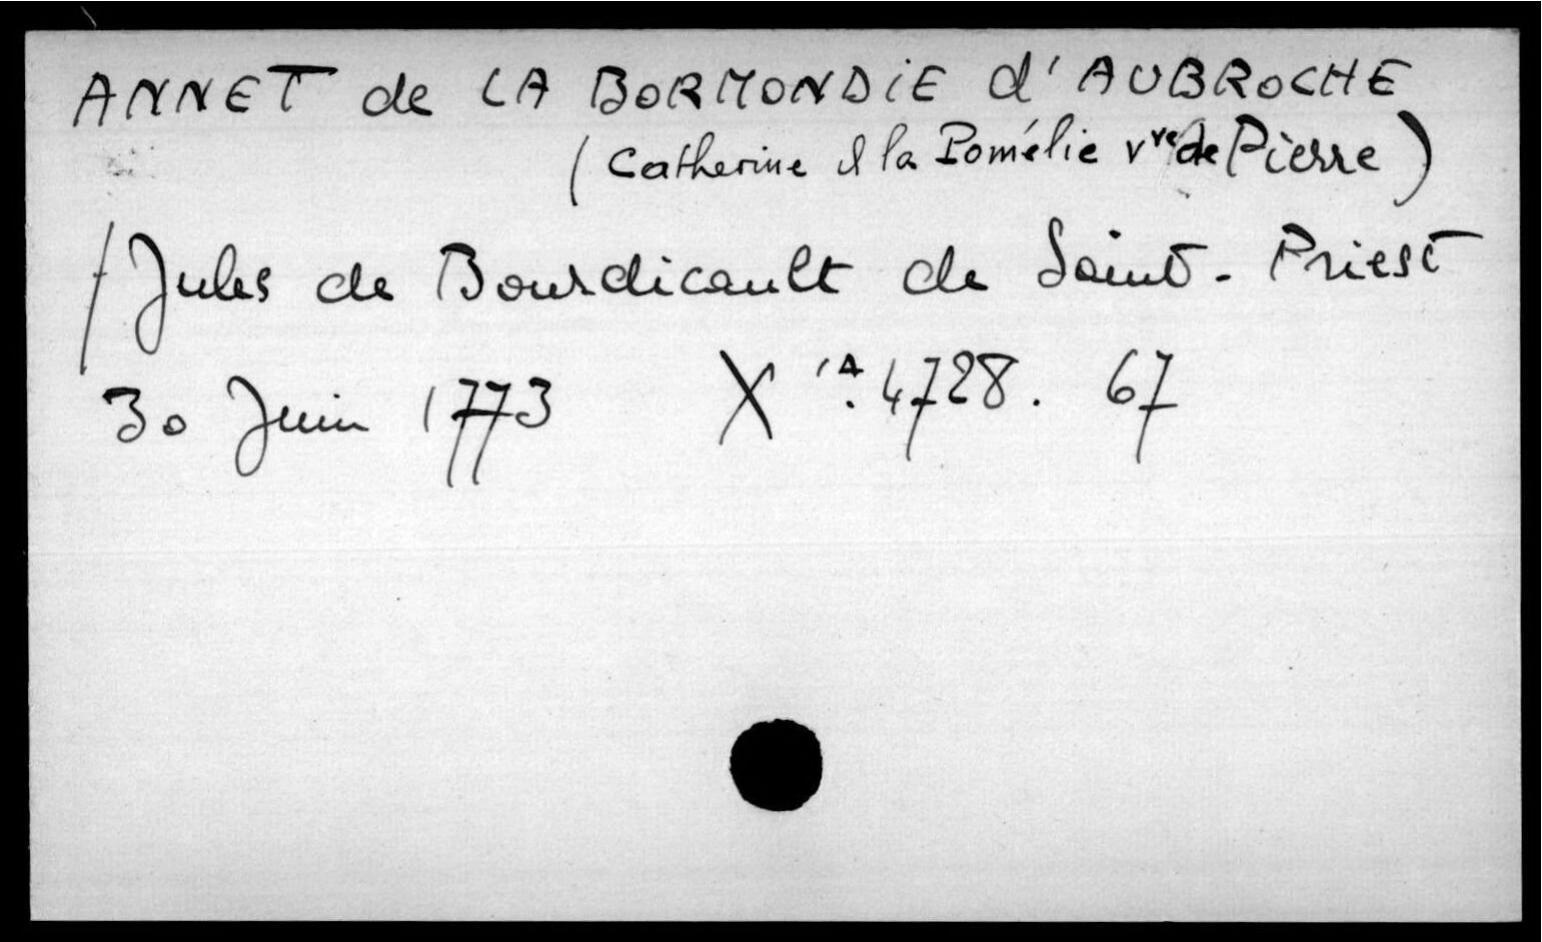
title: ANNET de LA BORMONDIE d'AUBROCHE (Catherine de la Pomélie veuve de Pierre)
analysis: Contre Jules de Bourdicault de Saint-Priest
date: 30 juin 1773
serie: X1A
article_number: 4728
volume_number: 67
